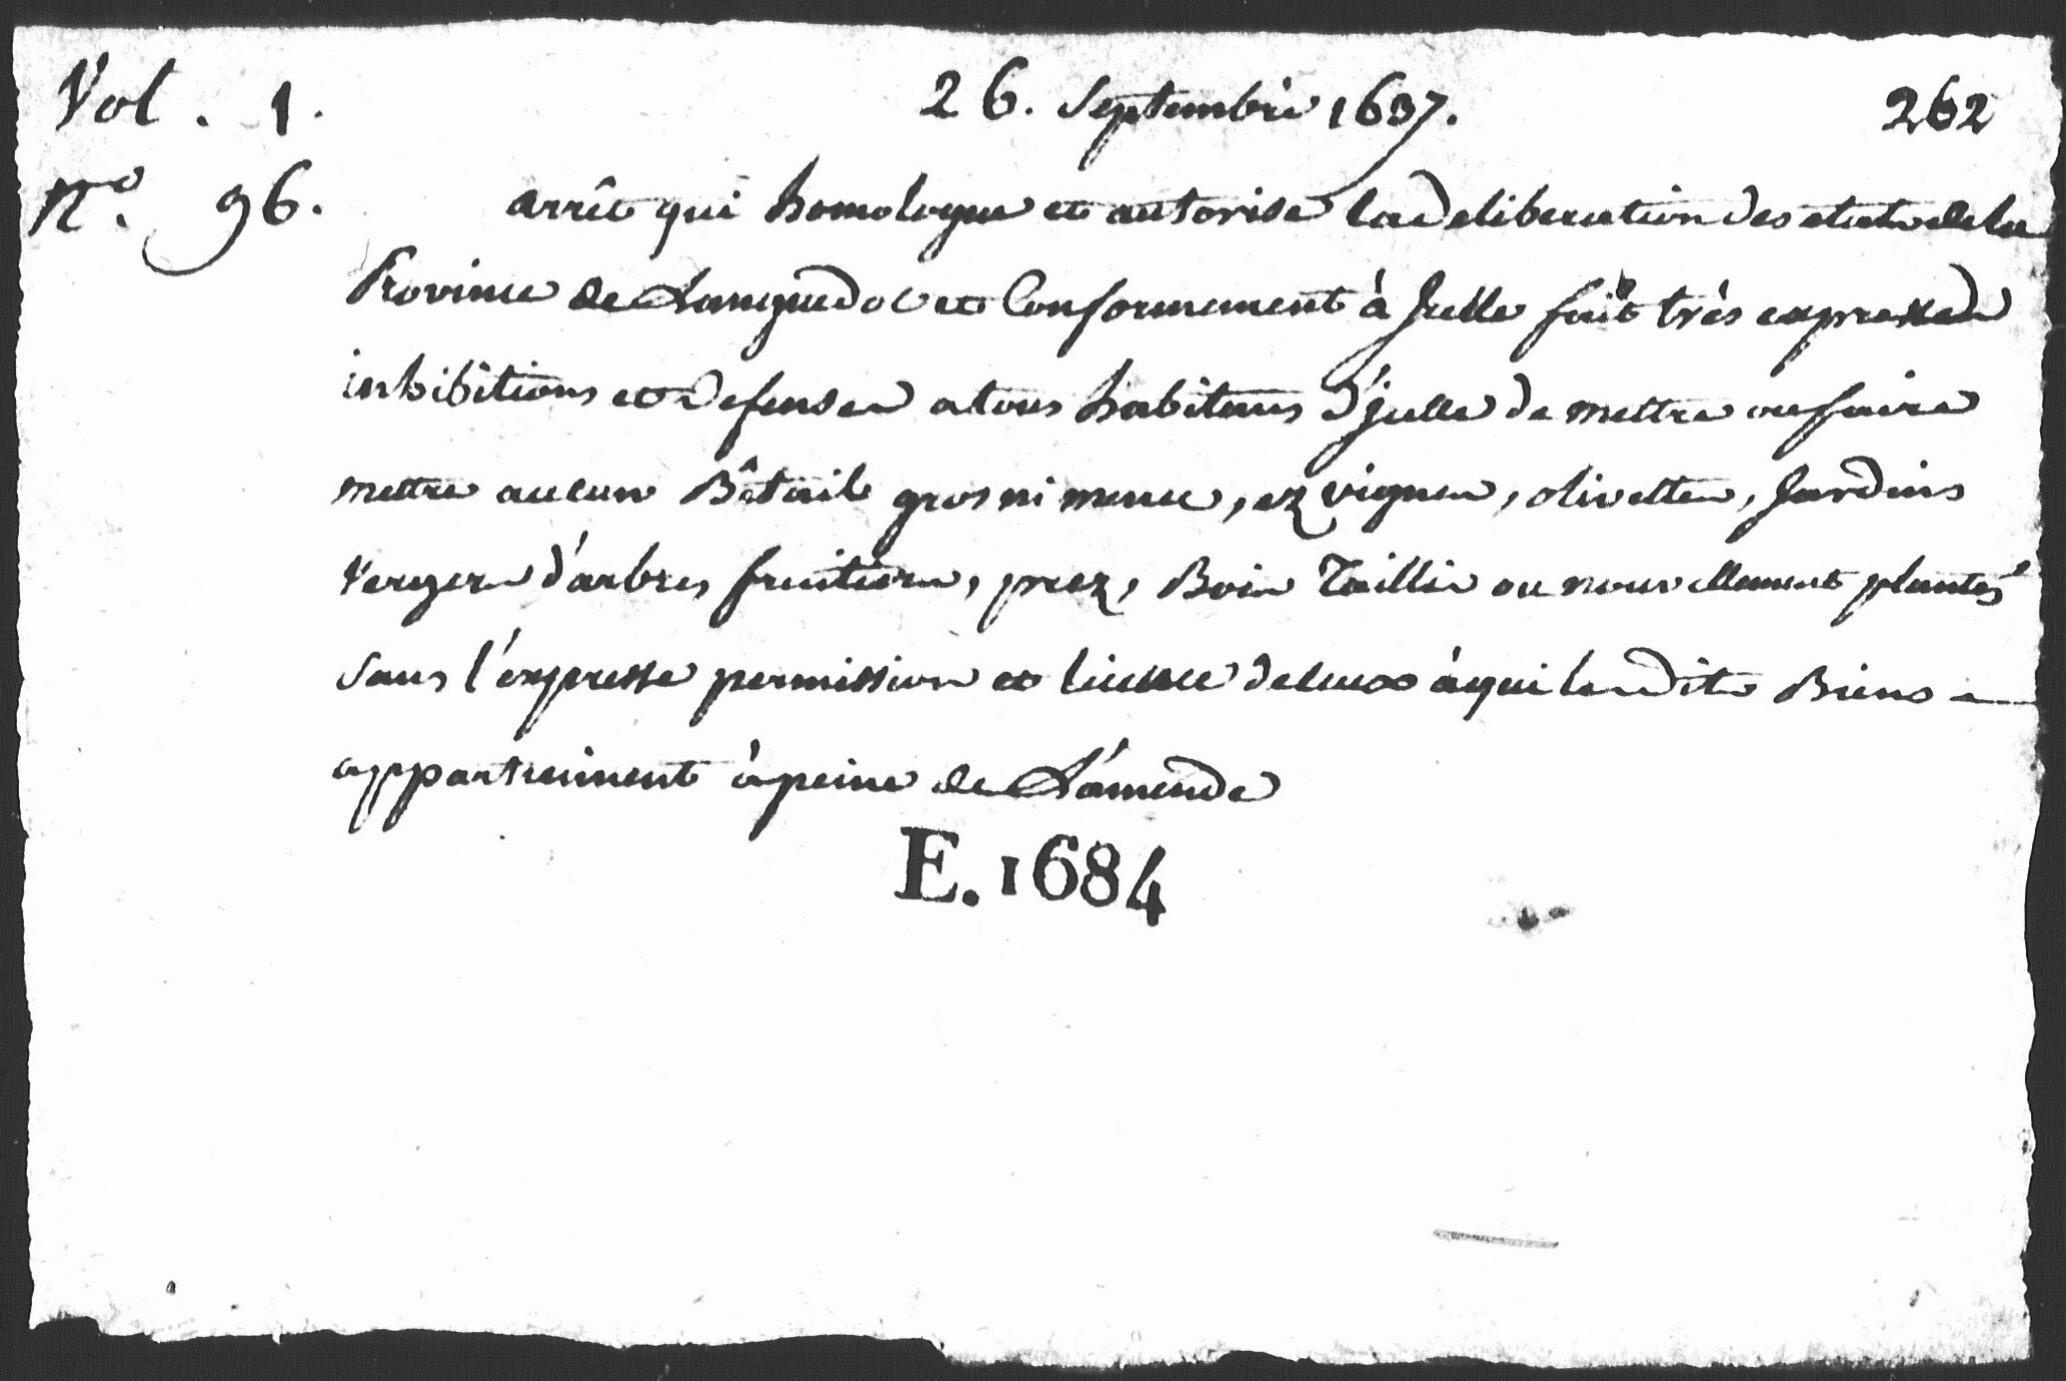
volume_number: n°96
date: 26 septembre 1637
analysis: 262
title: arrêt qui homologue et autorise la deliberation des etats de la Province de Languedoc et conformement à icelle fait très expresses inhibitions et defenses a tous habitans d'icelle de mettre ou faire mettre aucun bétail gros ni menu, ez vignes, olivettes, jardins, vergez d'arbres fruitiers, prez, bois taillis ou nouvellement plantés sans l'expresse permission et licence de ceux à qui lesdits biens appartiennent à peine de l'amende
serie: E
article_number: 1684
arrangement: vol. 1.
